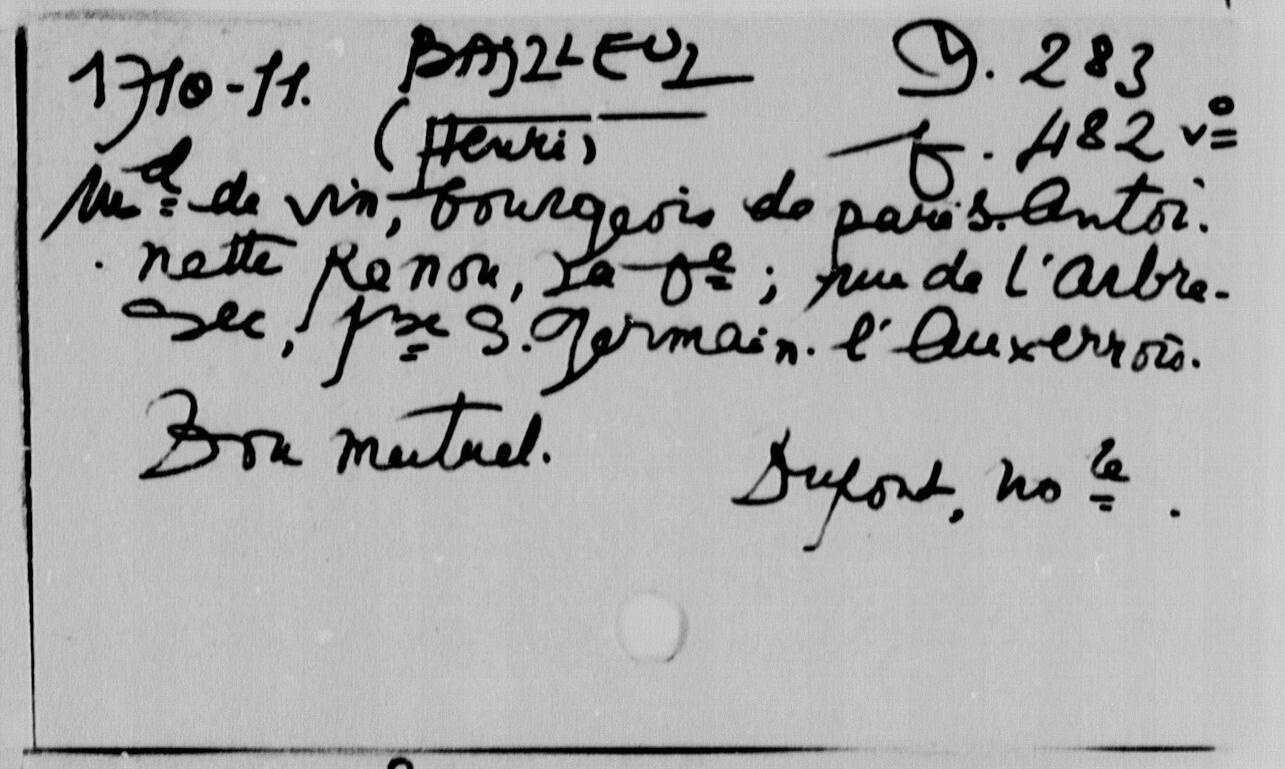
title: BAILLEUL (Henri)
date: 1710-1711
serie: Y
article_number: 283
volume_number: folio 482v
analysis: Marchand de vin, bourgeois de Paris, Antoinette Renou, sa femme, rue de l'Arbre-Sec, paroisse Saint-Germain-l'Auxerrois Don mutuel Dupont, notaire
